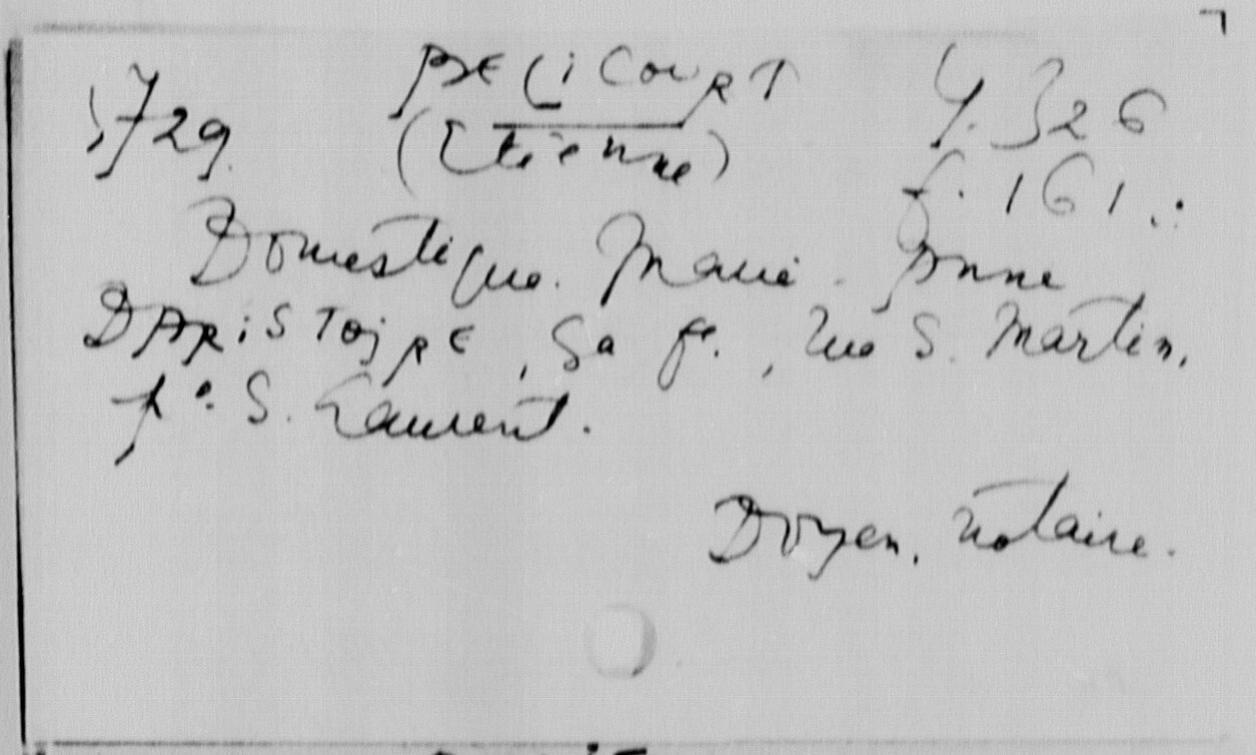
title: BELICOURT (Etienne)
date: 1729
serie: Y
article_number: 326
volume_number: fol. 161v
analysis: Domestique. Marie-Anne DARISTOIRE, sa femme, rue Saint-Martin, paroisse Saint-Laurent. Doyen, notaire.
